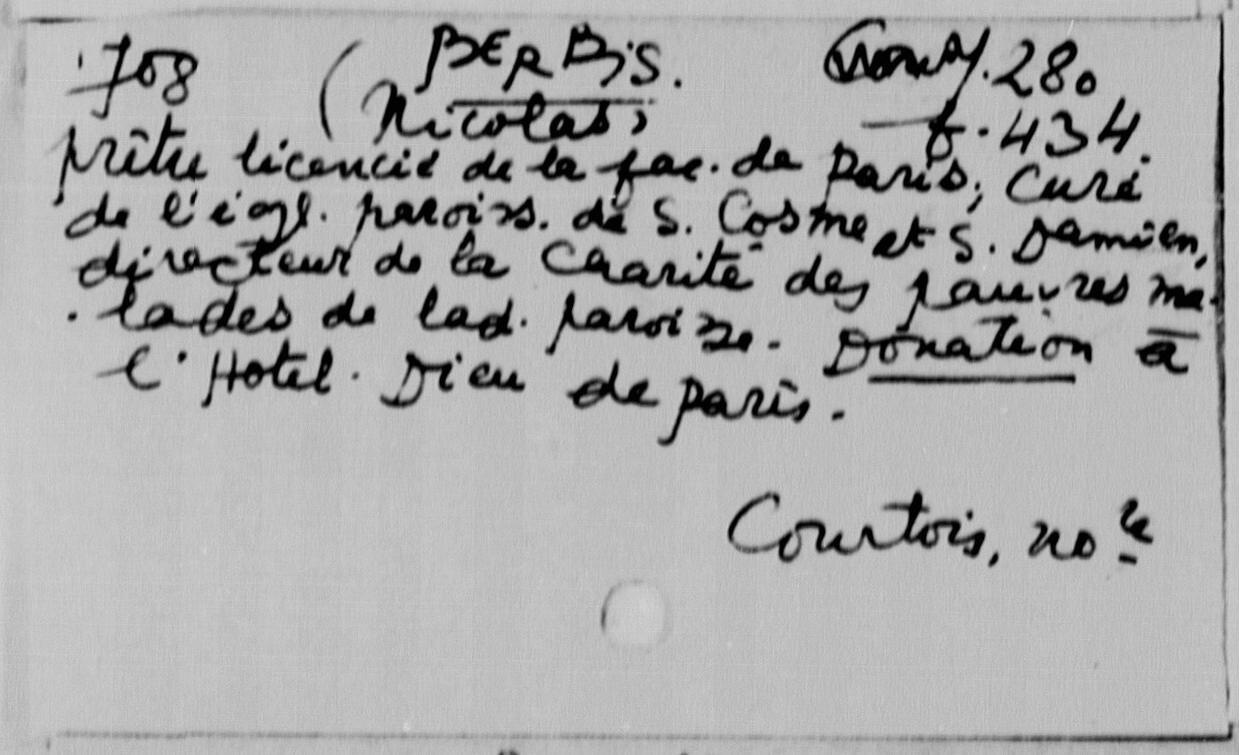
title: BERBIS (Nicolas)
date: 1708
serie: Y
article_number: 280
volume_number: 434
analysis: Prêtre licencié de la faculté de Paris ; curé de l'église paroissiale de Saint-Cosme et Saint-Damien directeur de la Charité des pauvres malades de ladite paroisse. Donation à l'Hôtel-Dieu de Paris Courtois, notaire.
